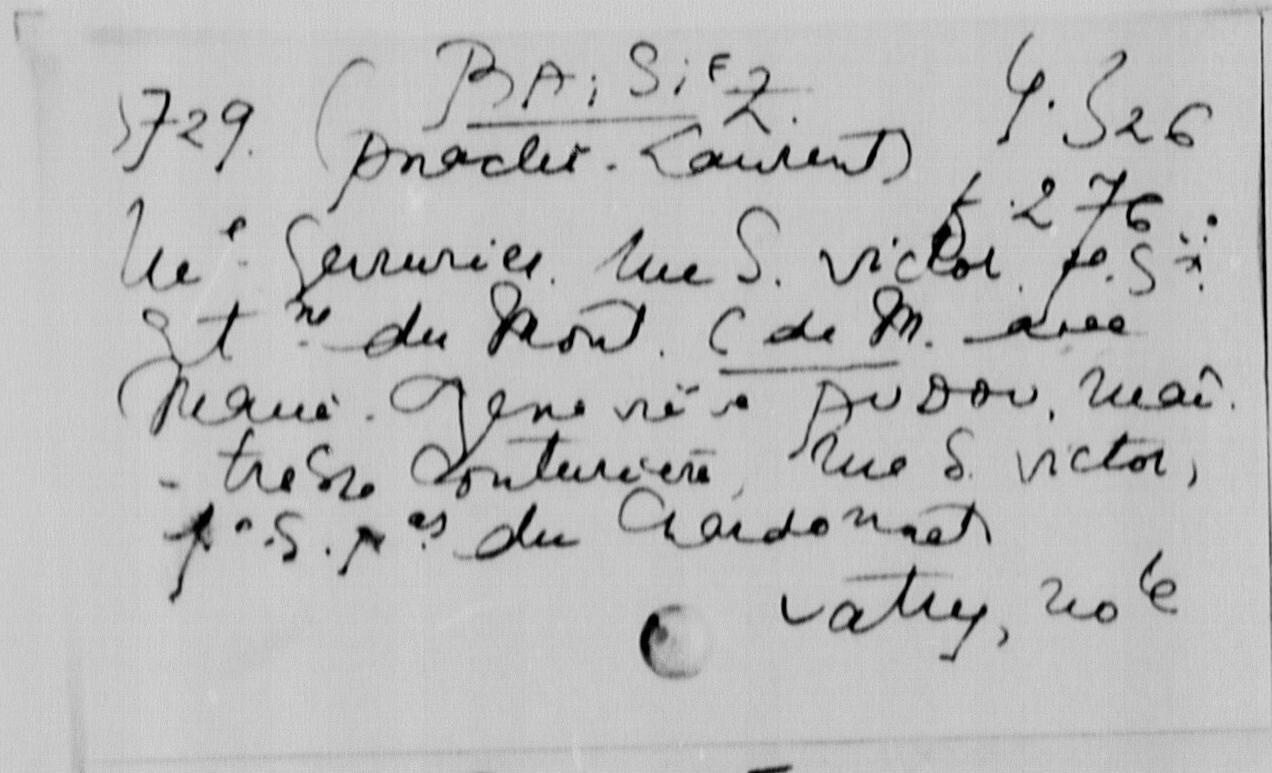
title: BAISIEZ (Anaclet-Laurent)
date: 1729
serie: Y
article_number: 326
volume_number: folio 276
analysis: Maître serrurier, rue Saint Victor, paroisse Saint Etienne du Mont. Contrat de mariage avec Marie-Geneviève AUDOU, maîtresse Conturière, rue Saint Victor, paroisse Saint-Nicolas-du-Chardonnet. Vatry, notaire
